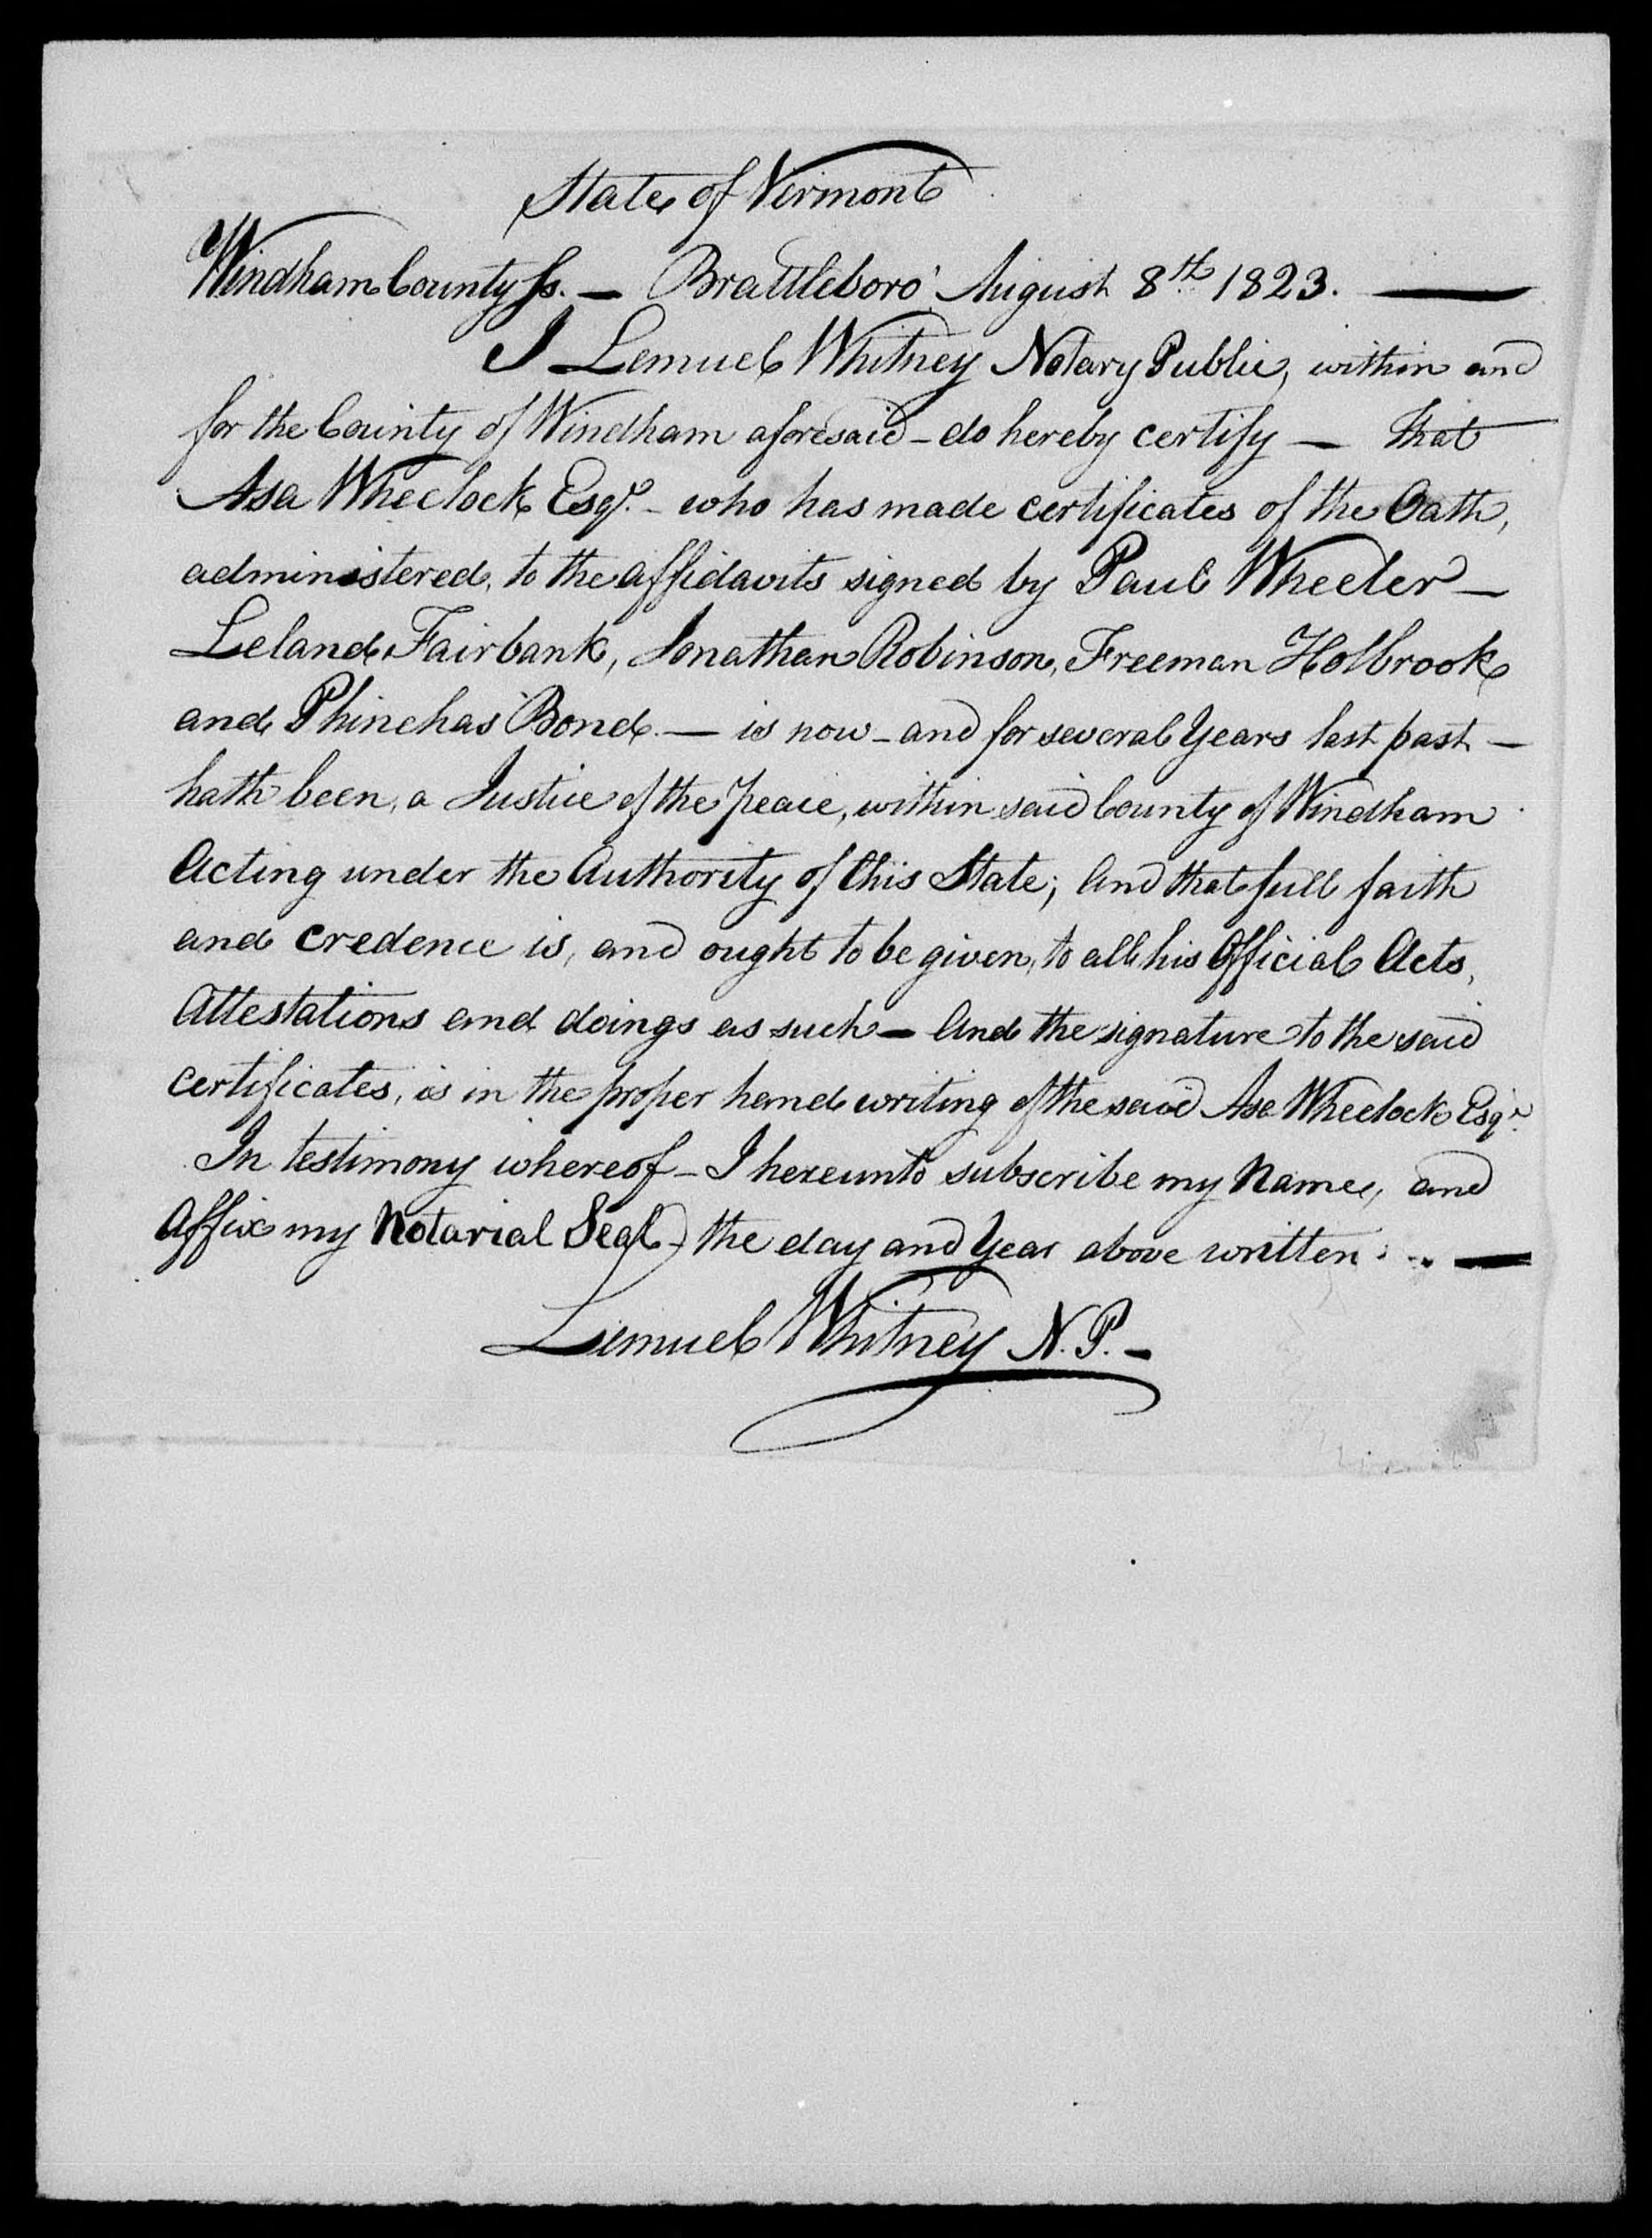State of Vermont
Winham County ss - Brattleboro August 8th 1823 --
I Lemuel Whitney Notary Public within and for the County of Windham aforesaid - do hereby certify - that  Asa Wheelock Esqr.- who has made certificates of the Oath, administered to the affidavits signed by Paul Wheeler - Leland Fairbank, Johanthan Robinson, Freeman Holbrooke and Phinehas Bond - is now - and for several years last past - hath been a Justice of the Peace within said County of Windham acting under the Authority of the State, and that full faith and credence is and ought to be given, to all his official acts attestations and doing as such - and the signature to the said certificates is in the proper hand writing of the said Asa Wheelock, Esq.

In testimony whereof  - I hereunto subscribe my Name  and affix my notarial Seal the day and year above written. 

Lemuel Whitney, N.P.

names: Asa Wheelock, Jonathan Robinson, Lemuel Whitney, Freeman Holbrook, Leland Fairbank, Asa Wheelock, Phinehas Bond, Lemuel Whitney, Paul Wheeler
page: 68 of 68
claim: survivor's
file: S. 29,877, Daniel Harris, Mass.